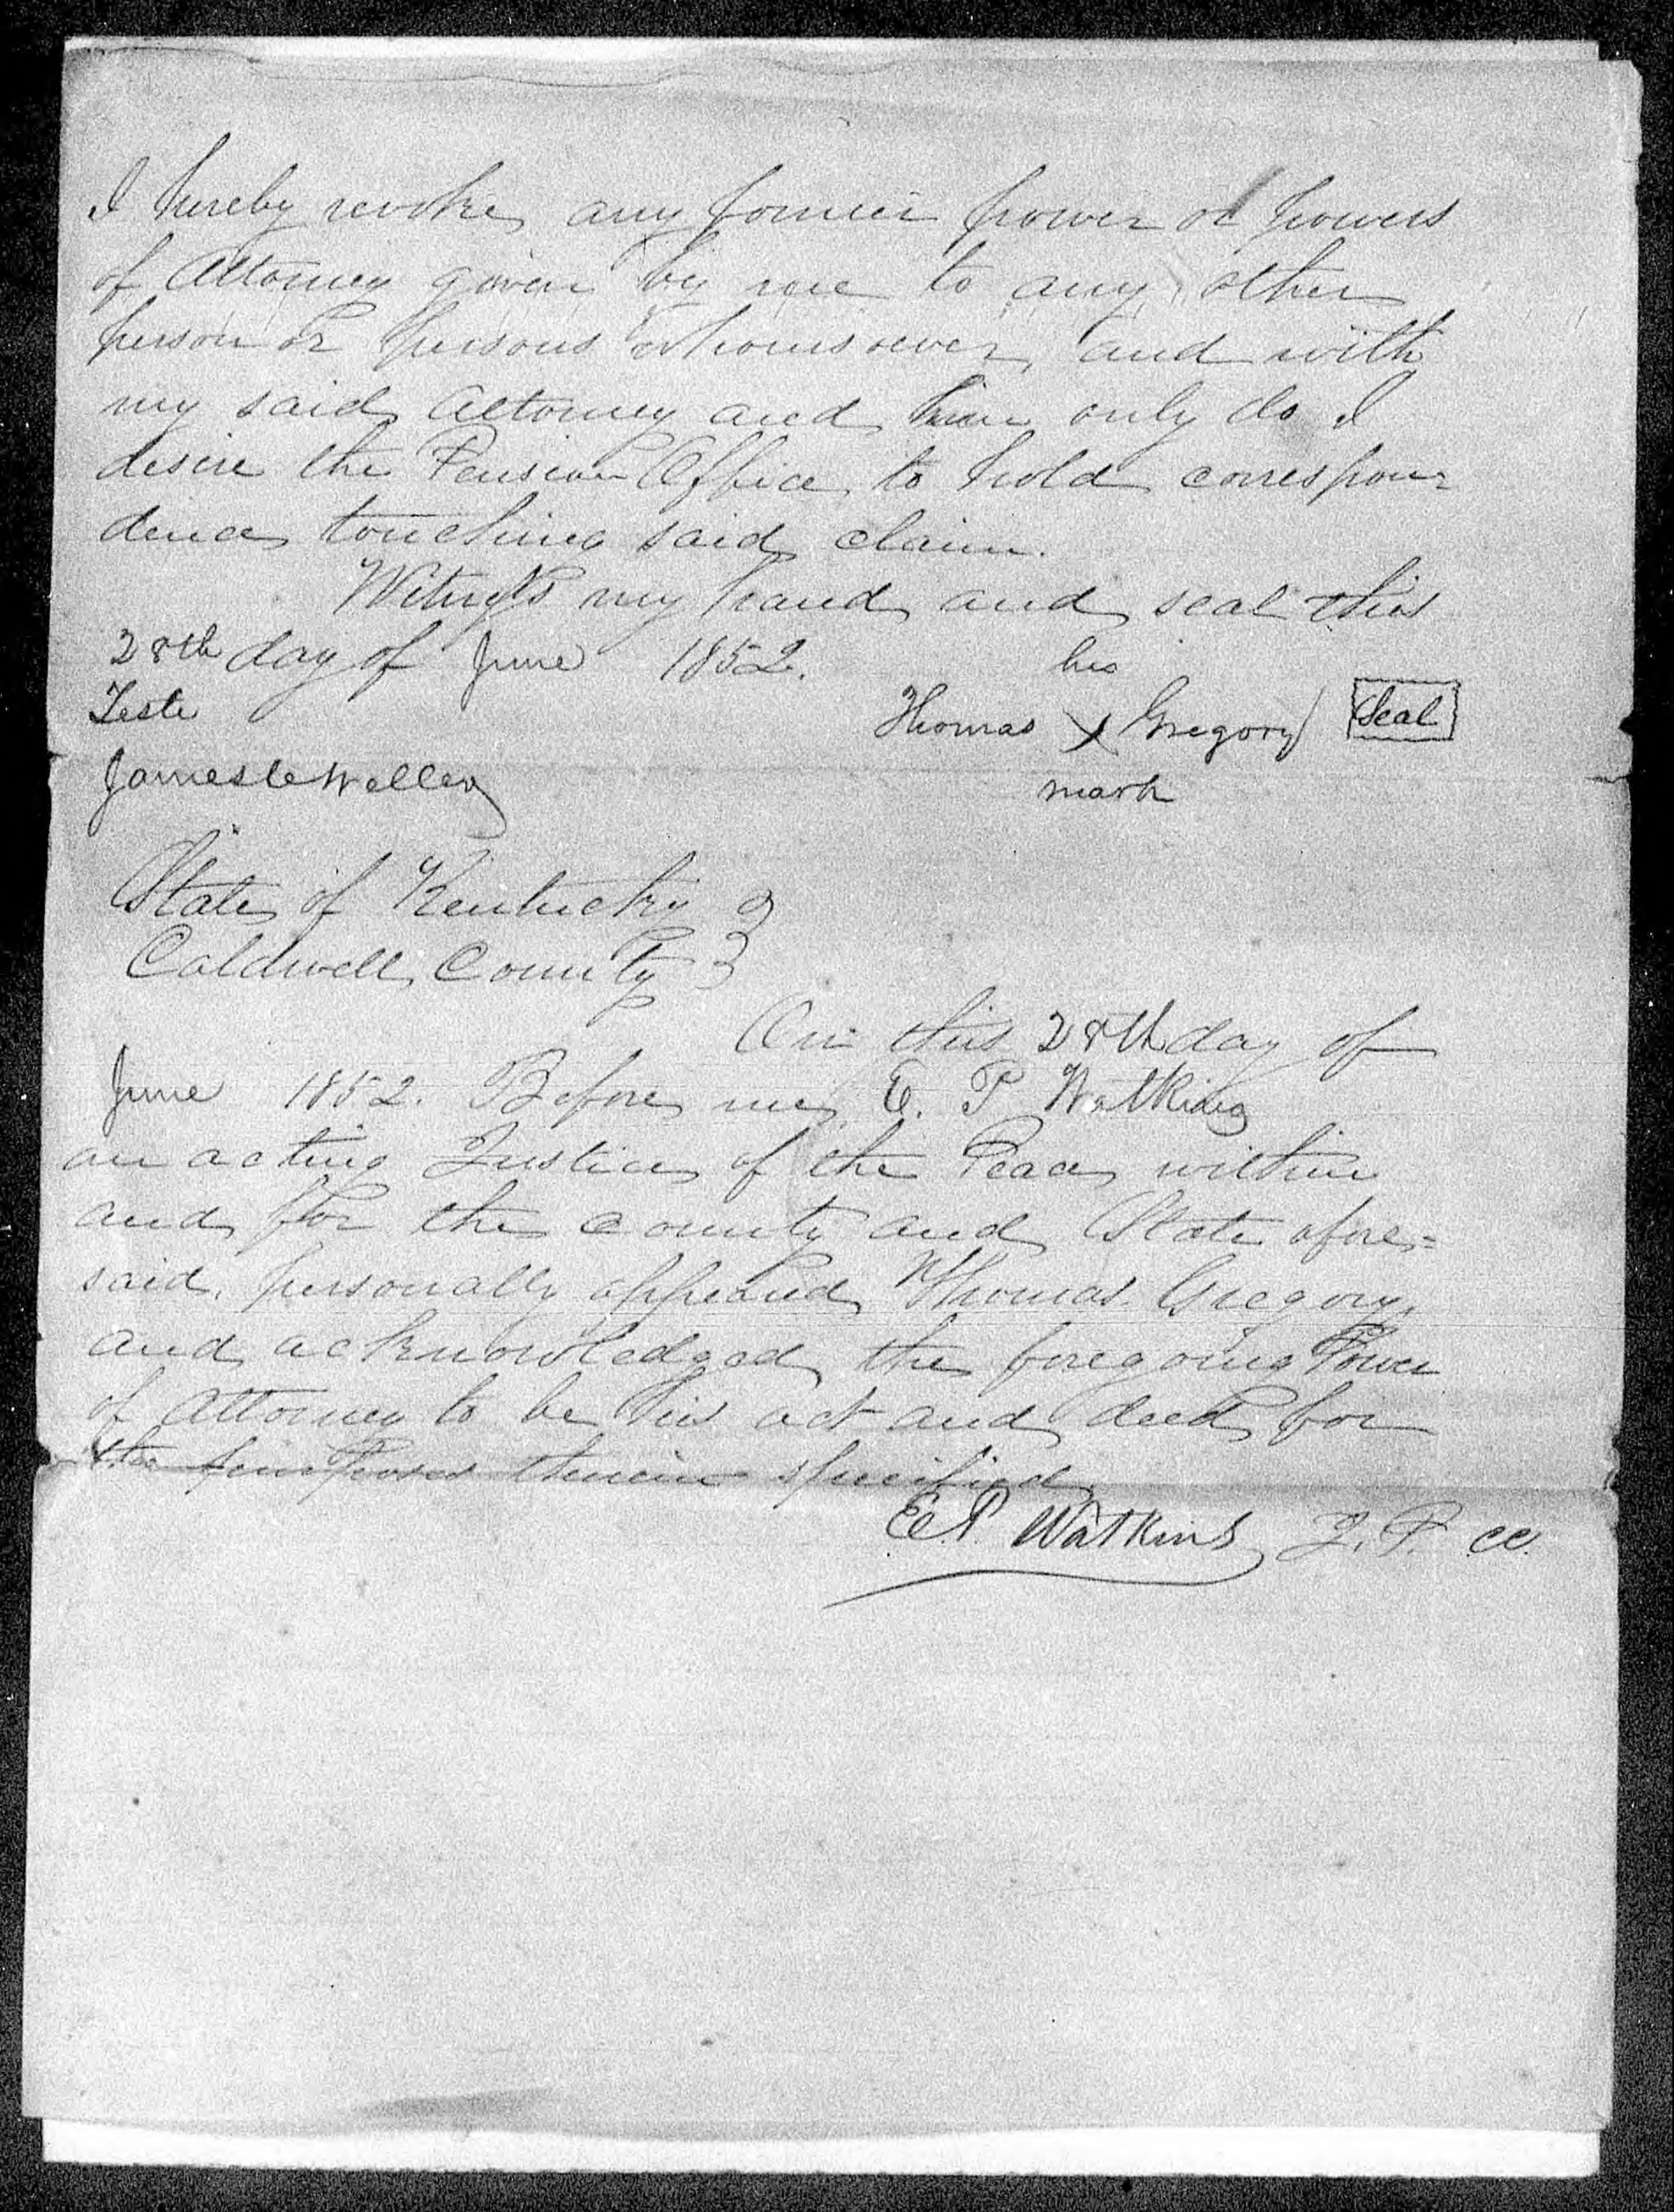I hereby revoke any former power or powers of Attorney given by me to any other person or persons whomsoever, and with my said Attorney and him only do I desire the Pension Office to hold correspondence touching said claim.
Witness my hand and seal this 28th day of June 1852.  
Thomas  his X mark  Gregory  [seal]
Test
James C. Weller

State of Kentucky}
Caldwell County  }
On this 28th day of June 1852 Before me E. P Watkins an acting Justice of the Peace within and for the county and State aforesaid, personally appeared Thomas Gregory and acknowledged the foregoing Power of Attorney to be his act and deed for the purposes therein specified.
E. P. Watkins  J. P. C.C.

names: Thomas Gregory, Thomas Gregory, E P Watkins, James C Weller, E P Watkins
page: 50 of 75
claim: widow's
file: W. 8876, Thomas Gregory, Continental Va